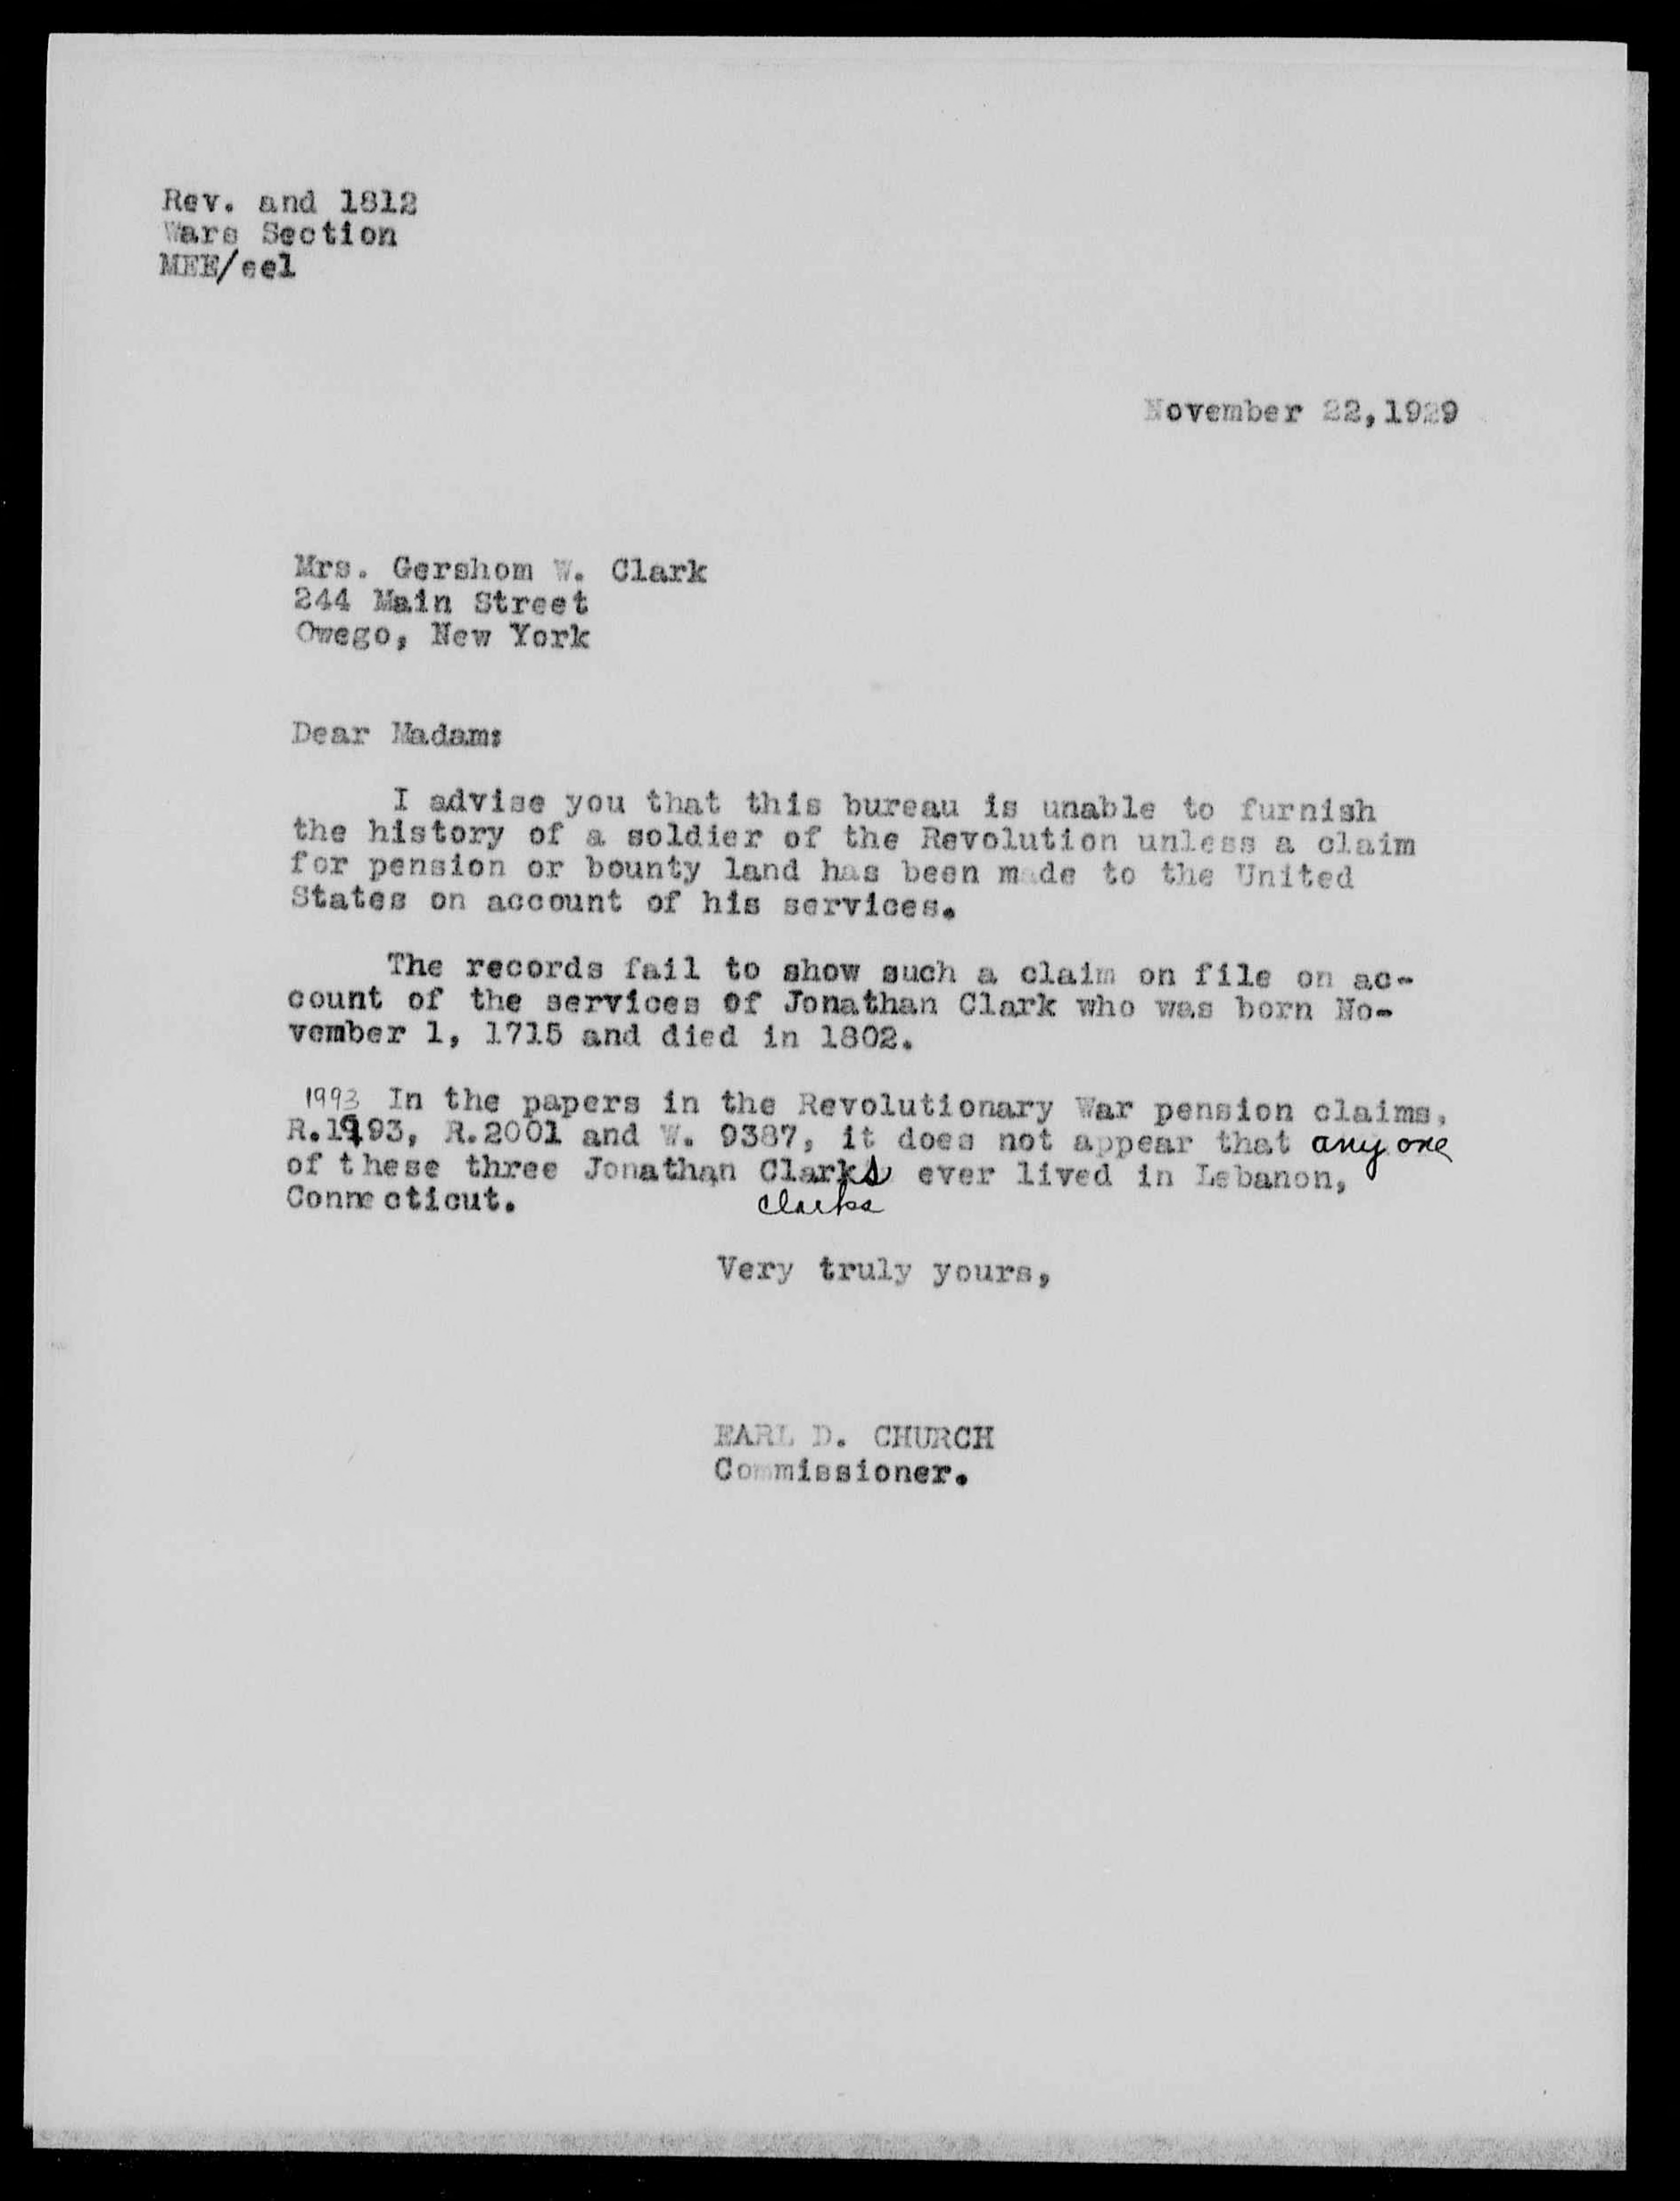Rev. and 1812
Wars Section
MEE/eel

November 22, 1929

Mrs. Gershom W. Clark
244 Main Street
Owego, New York


Dear Madam:

    I advise you that this bureau is unable to furnish the history of a soldier of the Revolution unless a claim for pension or bounty land has been made to the United States on account of his services.

    The records fail to show such claim on file on account of the services of Jonathan Clark who was born November 1, 1715 and died in 1802.

    In the papers in the Revolutionary War pension claims, R. 1993, R. 2001 and W. 9387, it does not appear that any one of these three Jonathan Clarks ever lived in Lebanon, Connecticut.

Very truly yours,

 EARL D. CHURCH
 Commissioner.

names: Earl D Church, Gershom W Clark, Jonathan Clark, Jonathan Clarks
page: 7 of 26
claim: rejected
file: R. 2001, Jonathan Clark, Conn.